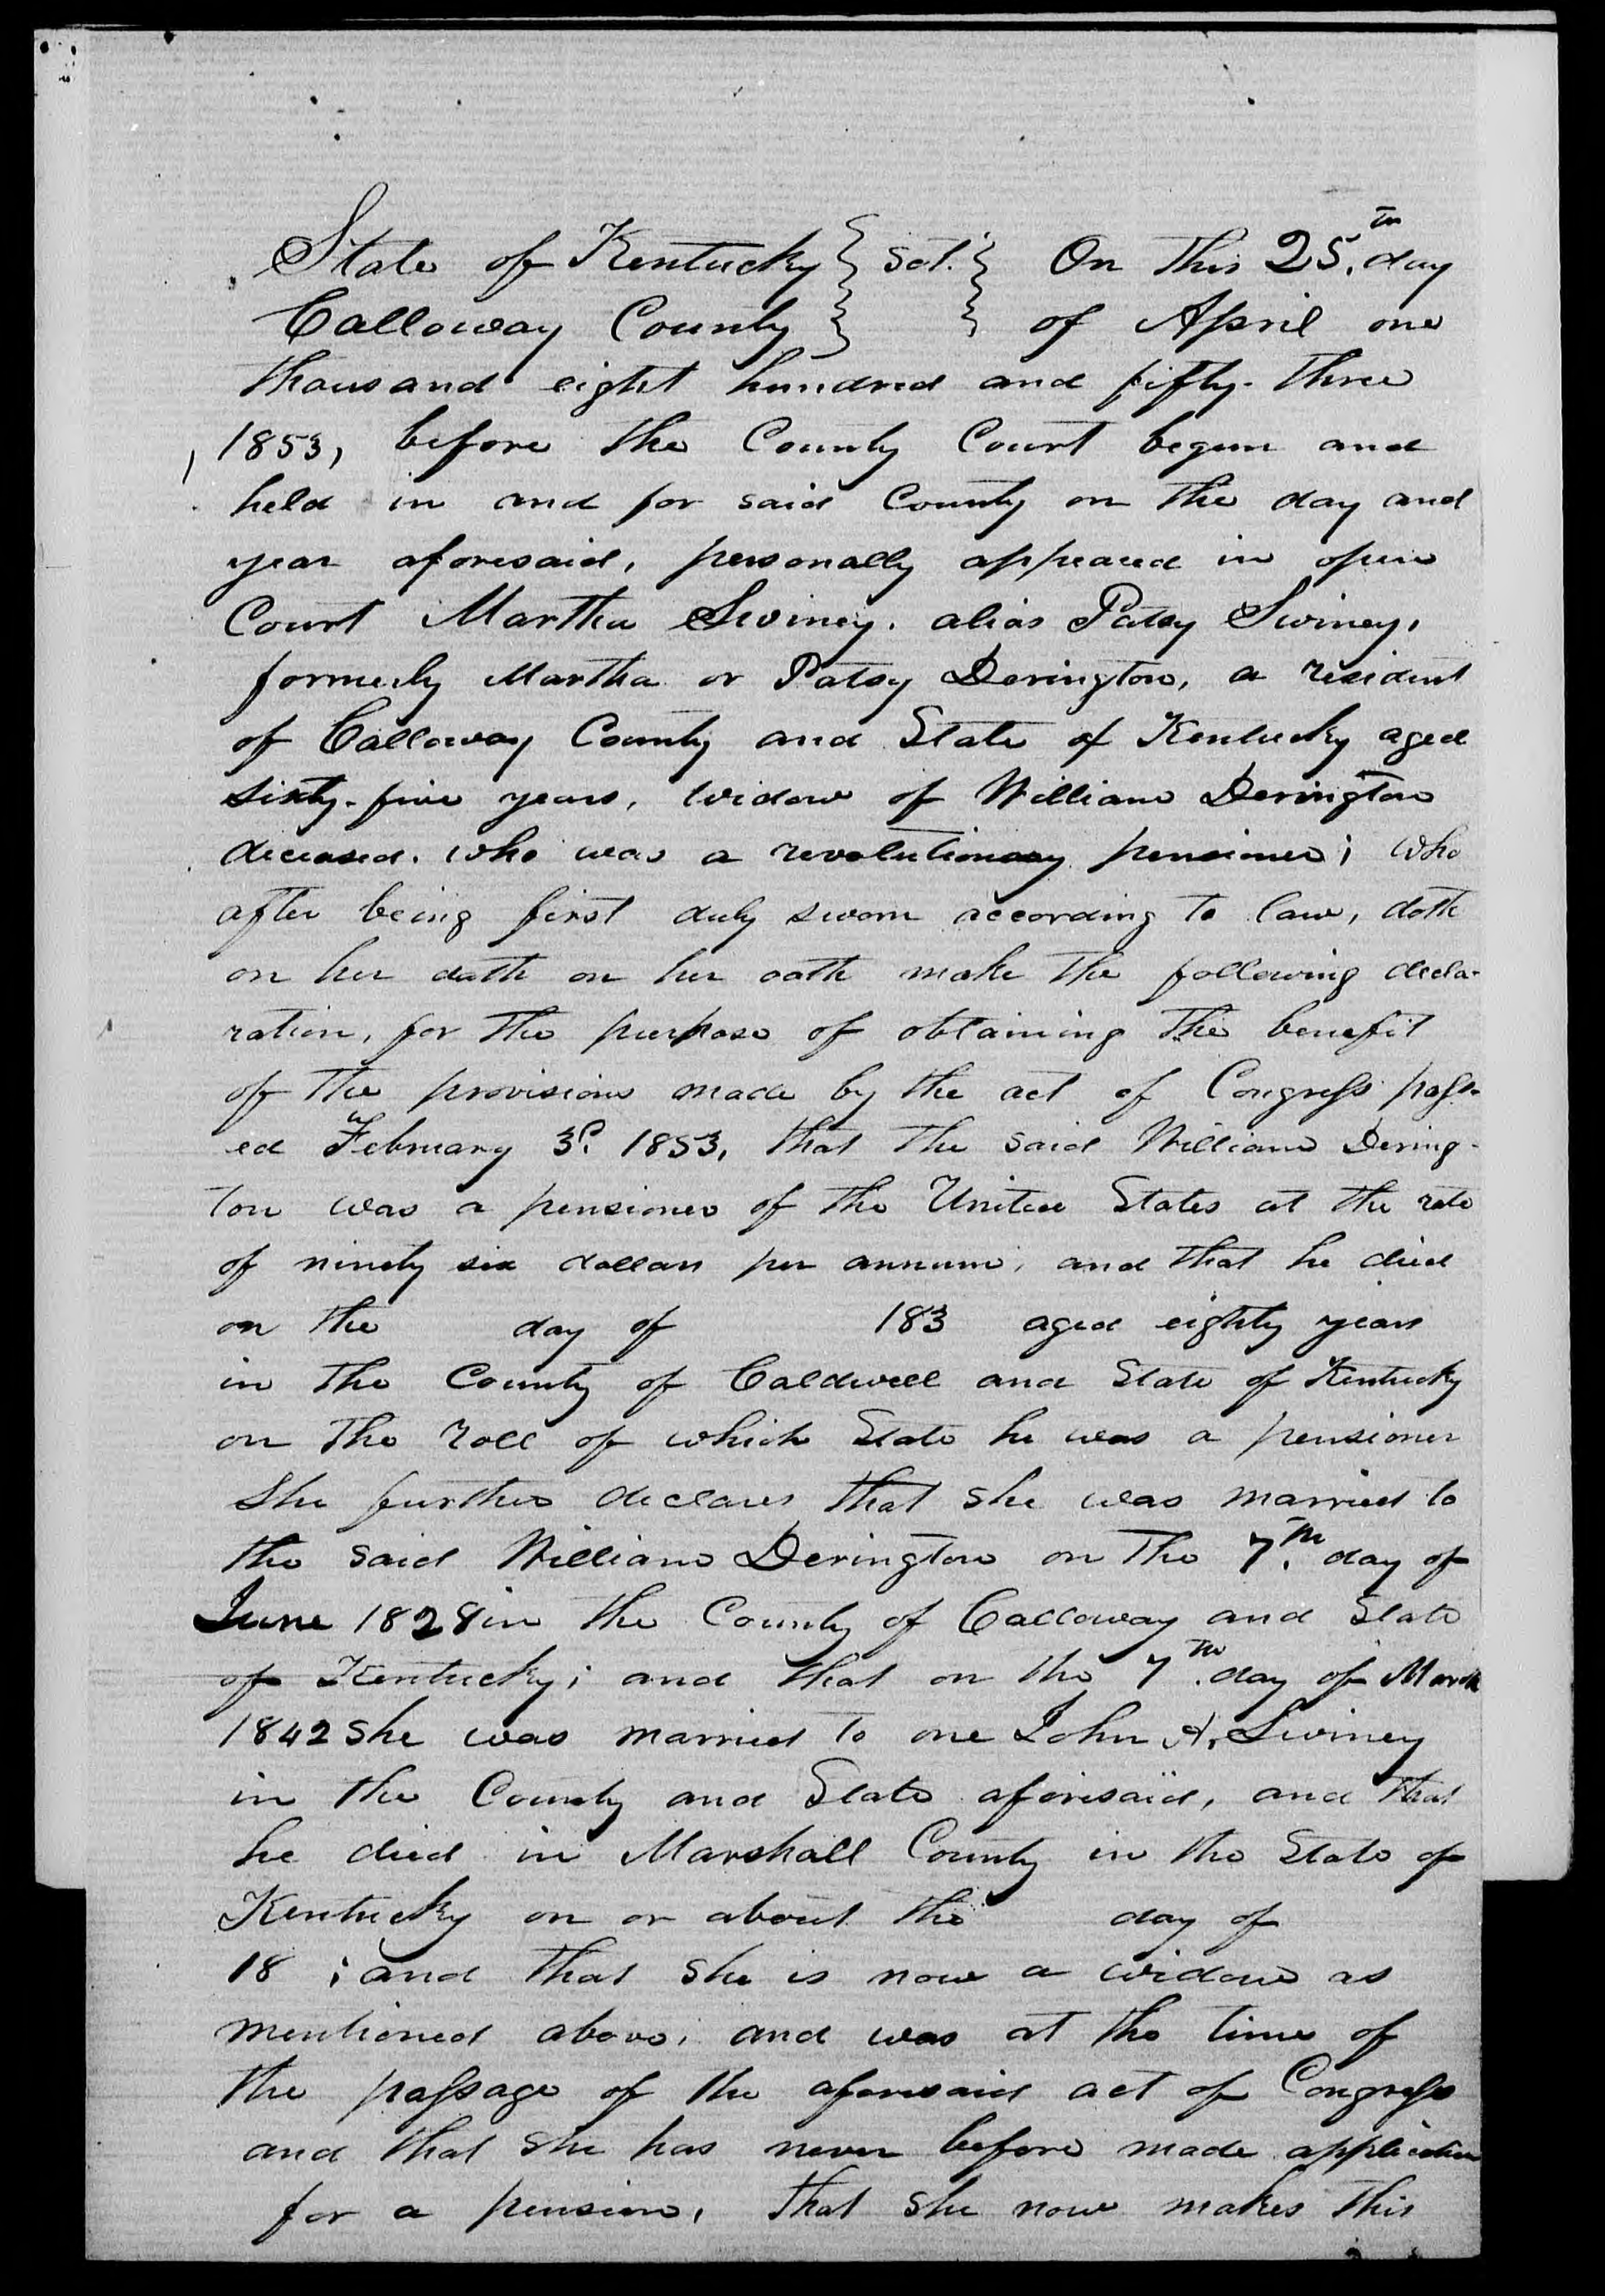State of Kentucky
Calloway County

On this 25th day of April one thousand eight hundred and fifty-three, 1852, before the County Court begun and held in and for said county on the day and year aforesaid, personally appeared in open Court Marth Swiney, alias Patsy Swiney, formerly Martha or Patsy Denington, a resident of Calloway County and State of Kentucky aged sixty-five years, widow of William Denington deceased, who was a revolutionary pensioner; who after being first duly sworn according to the law, doth on her oath on her oath make the following declaration, for the purposes of obtaining the benefit of the provisions made by the act of Congress passed February 3rd, 1853, that the said William Dennington was a pensioner of the United States at the rate of ninety six dollars per annum, and that he died on the ___ day of ___ 183_ aged eighty years in the County of Caldwell and State of Kentucky on the roll of which State he was a pensioner  She further declares that she was married to the said William Denington on the 7th day of June 1828 in the County of Calloway and State of Kentucky; and that on the 7th day of March 1842 she was married to one John A.  Swiney in the County and State aforesaid, and that he died in Marshall County in the State of Kentucky on or about the ___ day of 18__; and that she is now a widow as mentioned above; and was at the time of the passage of the aforesaid act of Congress and that she has never before made application for a pension, that she now makes this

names: William Derington, Martha Swiney, John A Swiney, William Derington, Patsy Derington, Martha Derington, William Derington, Patsy Swiney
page: 10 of 51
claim: widow's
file: W. 27,409, William Dunnington, Md.